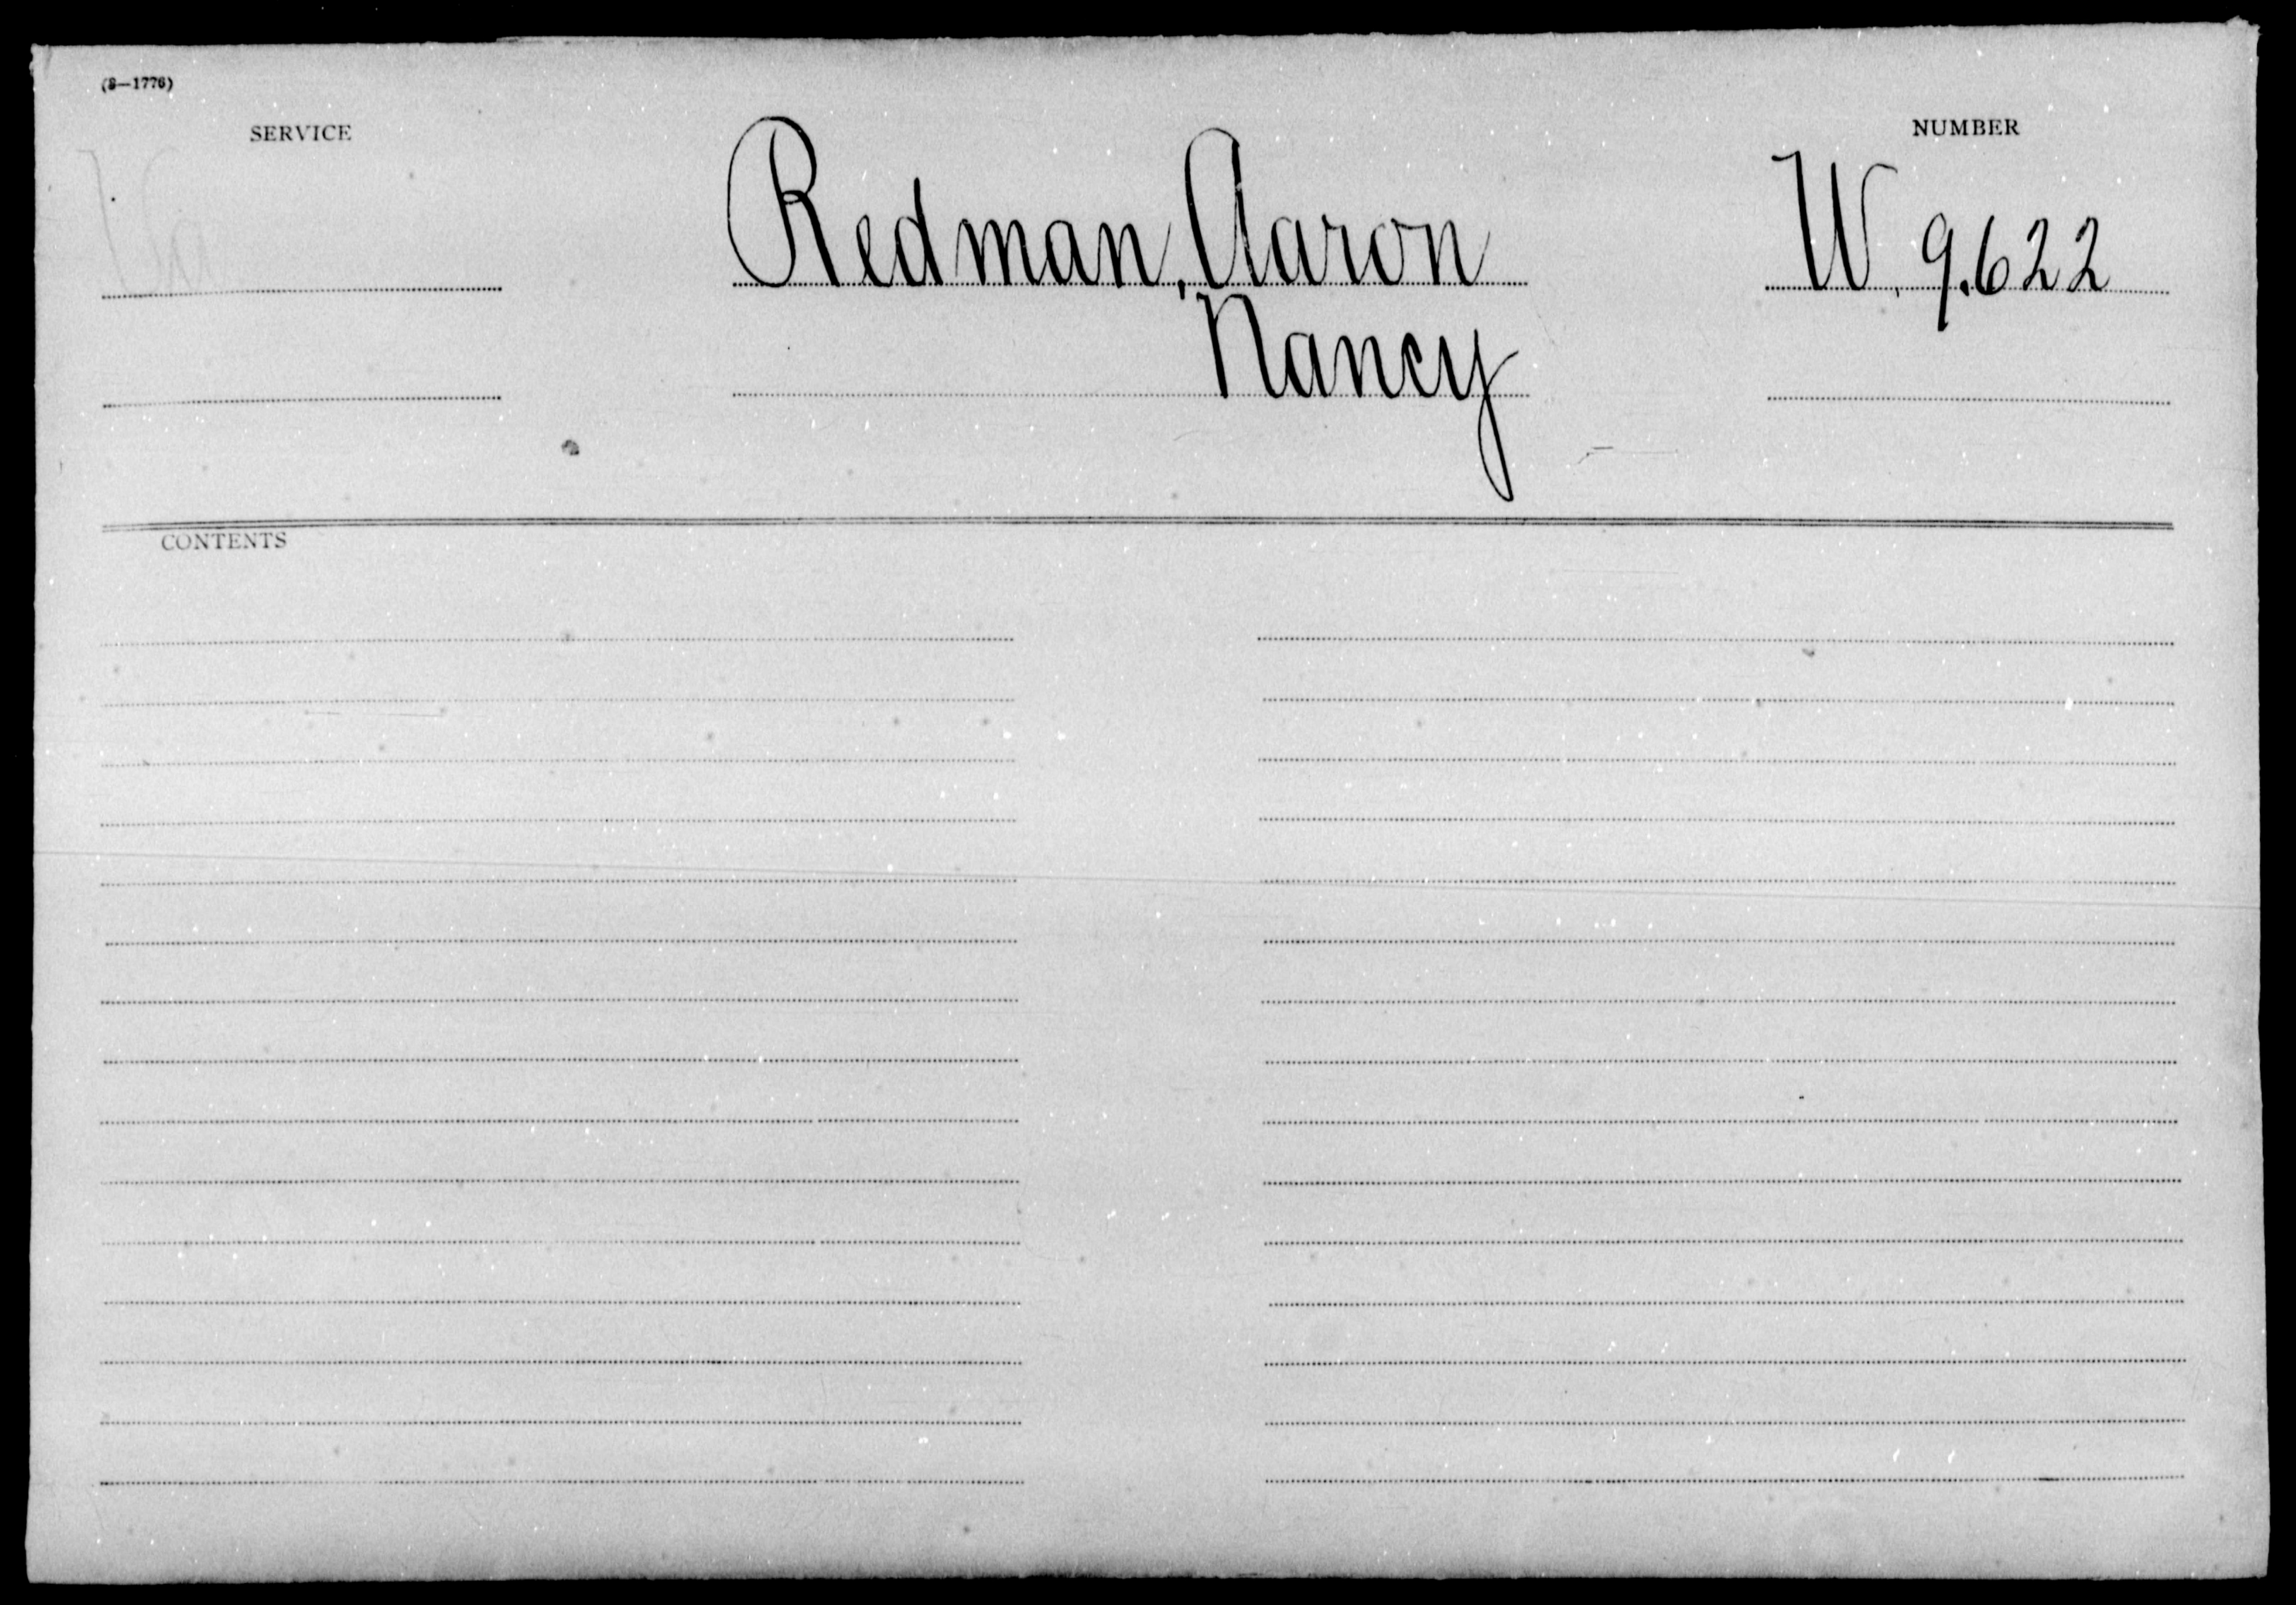SERVICE
Va (very light)

Redman, Aaron
               Nancy

NUMBER
W 9.622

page: 1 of 57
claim: widow's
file: W. 9,622, for Aaron Redman, Virginia